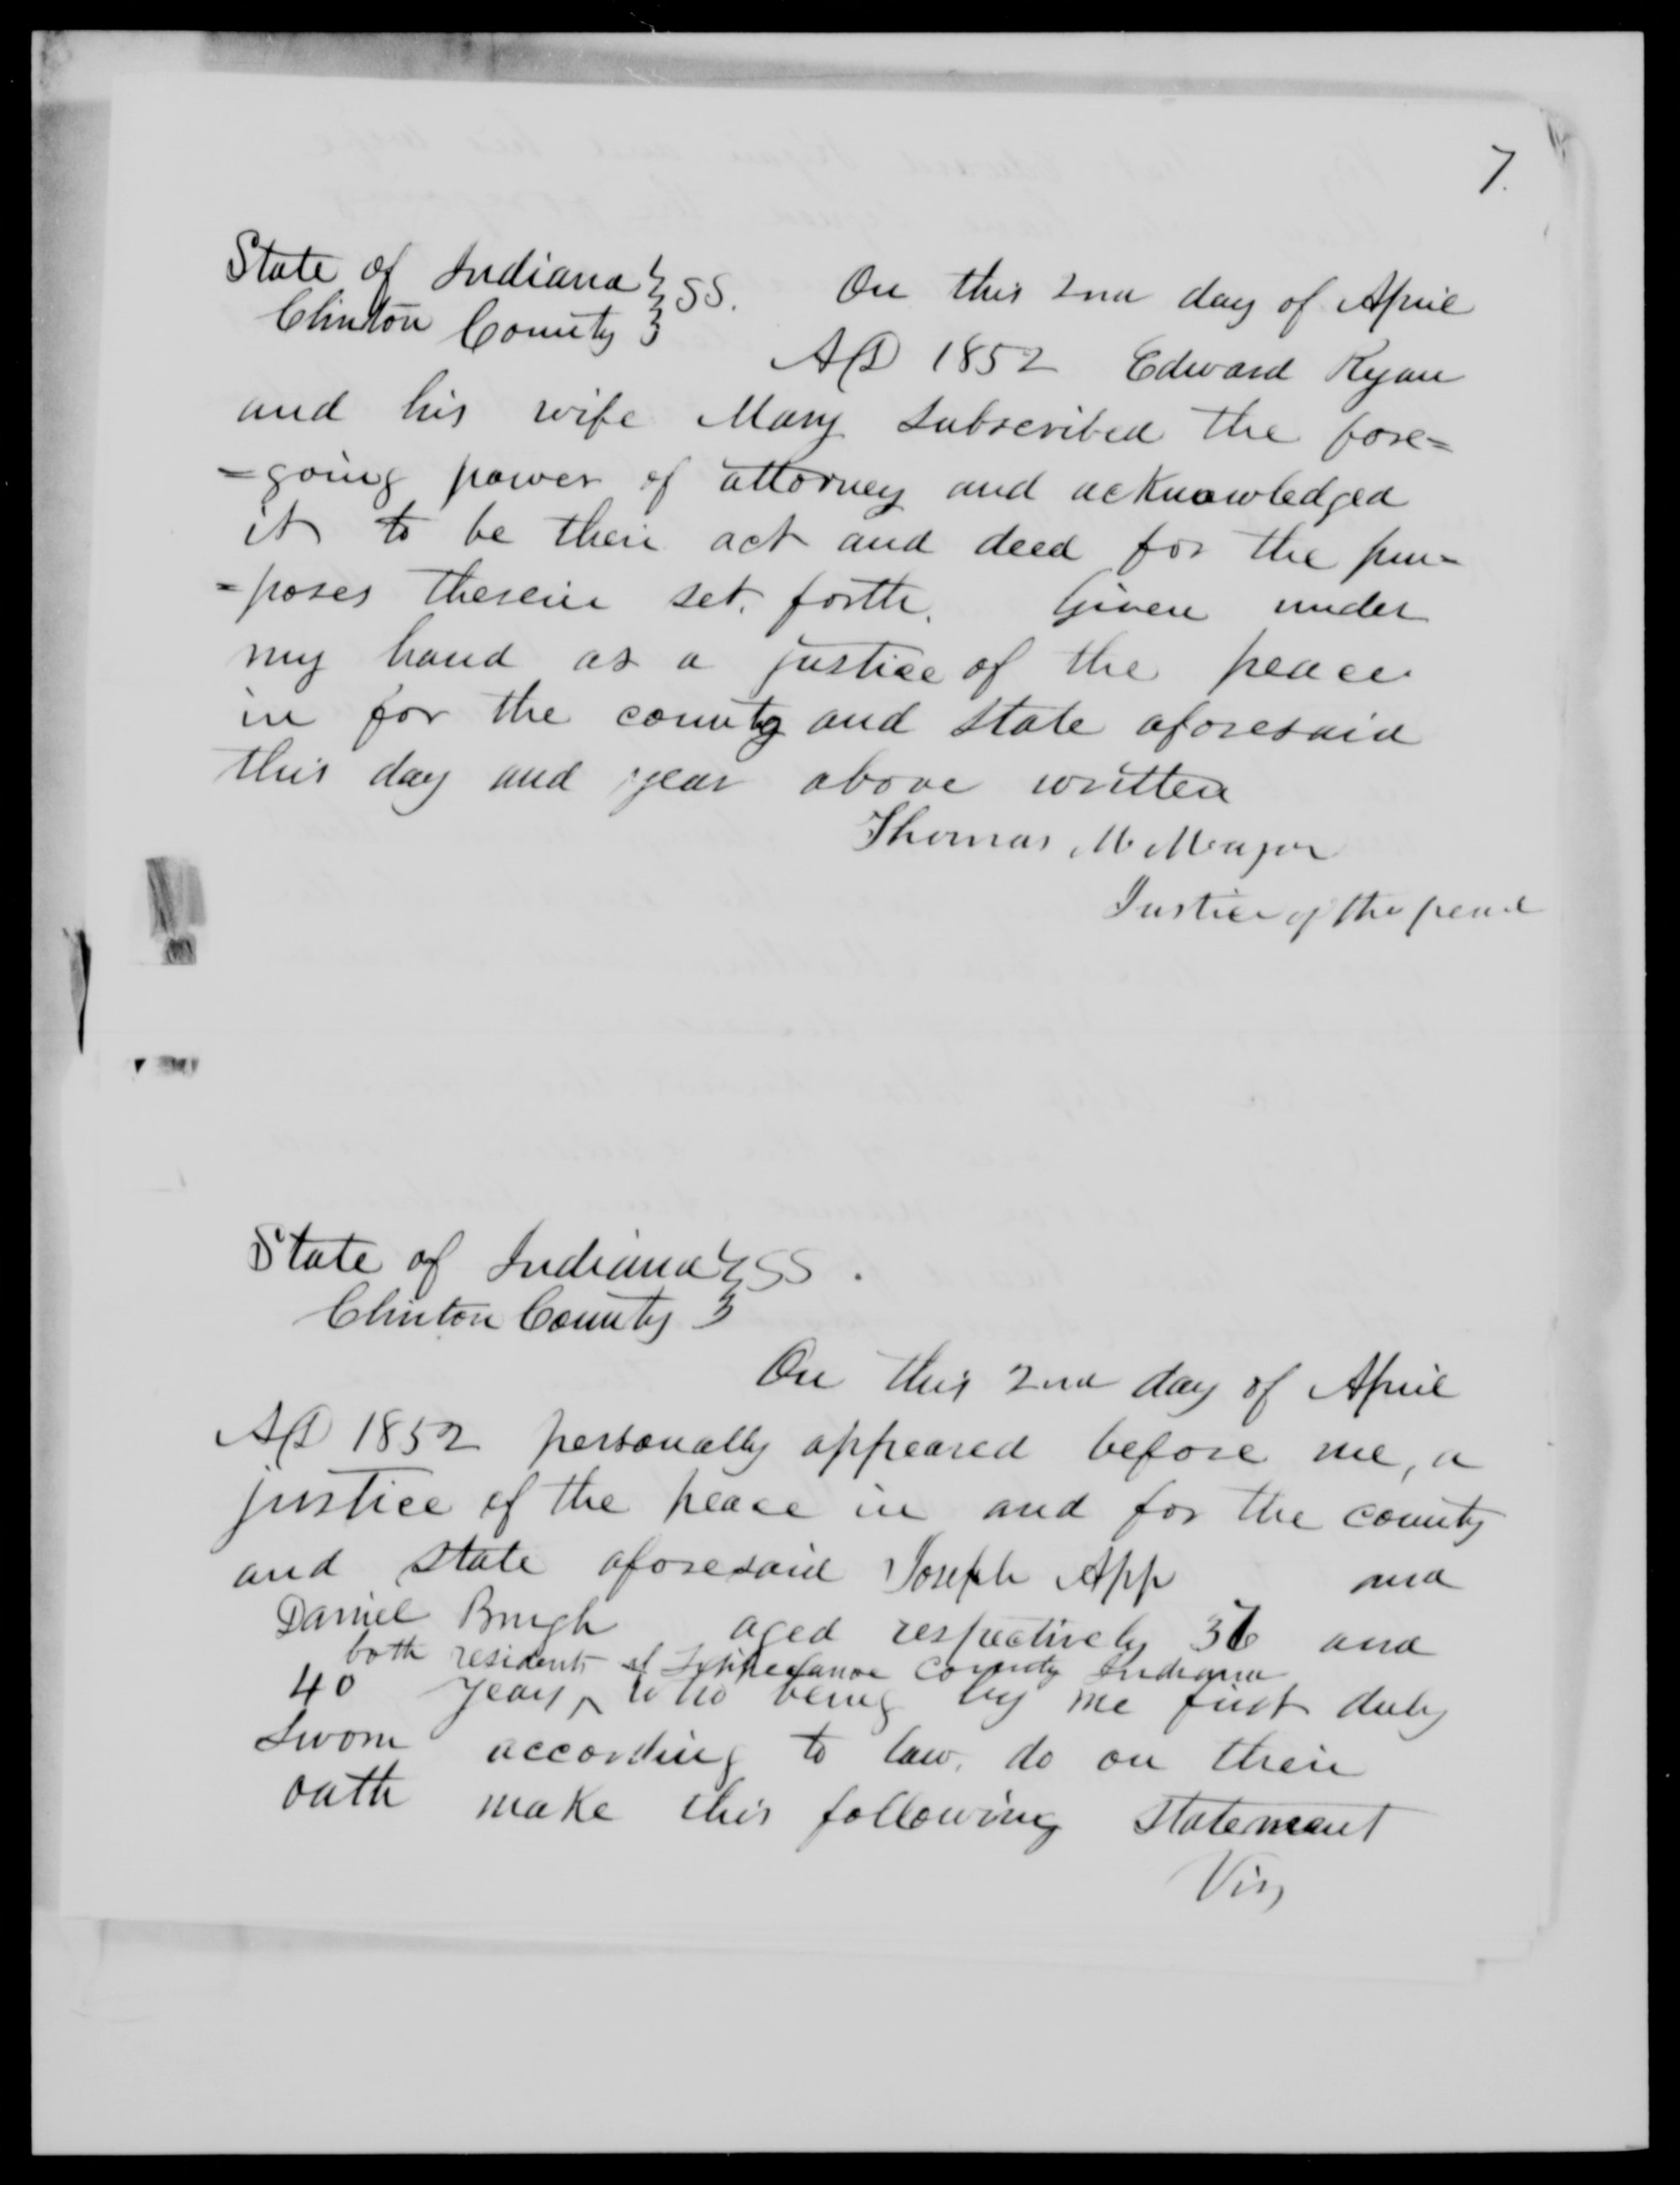7
State of Indiana Clinton County  SS 
On this 2nd day of April AD 1852 Edward Ryan
and his wife Mary Subscribed the foregoing
power of attorney and acknowledged
it to be their act and deed for the purposes therein set forth.
Given under my hand as a justice of the peace
in for the County and State aforesaid
this day and year above written
Thomas William
Justice of the peace

State of Indiana Clinton County ss
On this 2nd day of April A.D 1852 personally appeared before me, a justice of the peace in and for the County and State aforesaid Joseph App and
Daniel Brugh aged respectively 37 and 40 years both residents of Tippecanoe County Indiana, who being by me first duly sworn according to law do on their oath make this following statement
Viz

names: Daniel Brugh, Thomas M Major, Edward Ryan, Joseph App, Mary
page: 102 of 123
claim: rejected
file: R. 11,949, Matthias Young, Md.